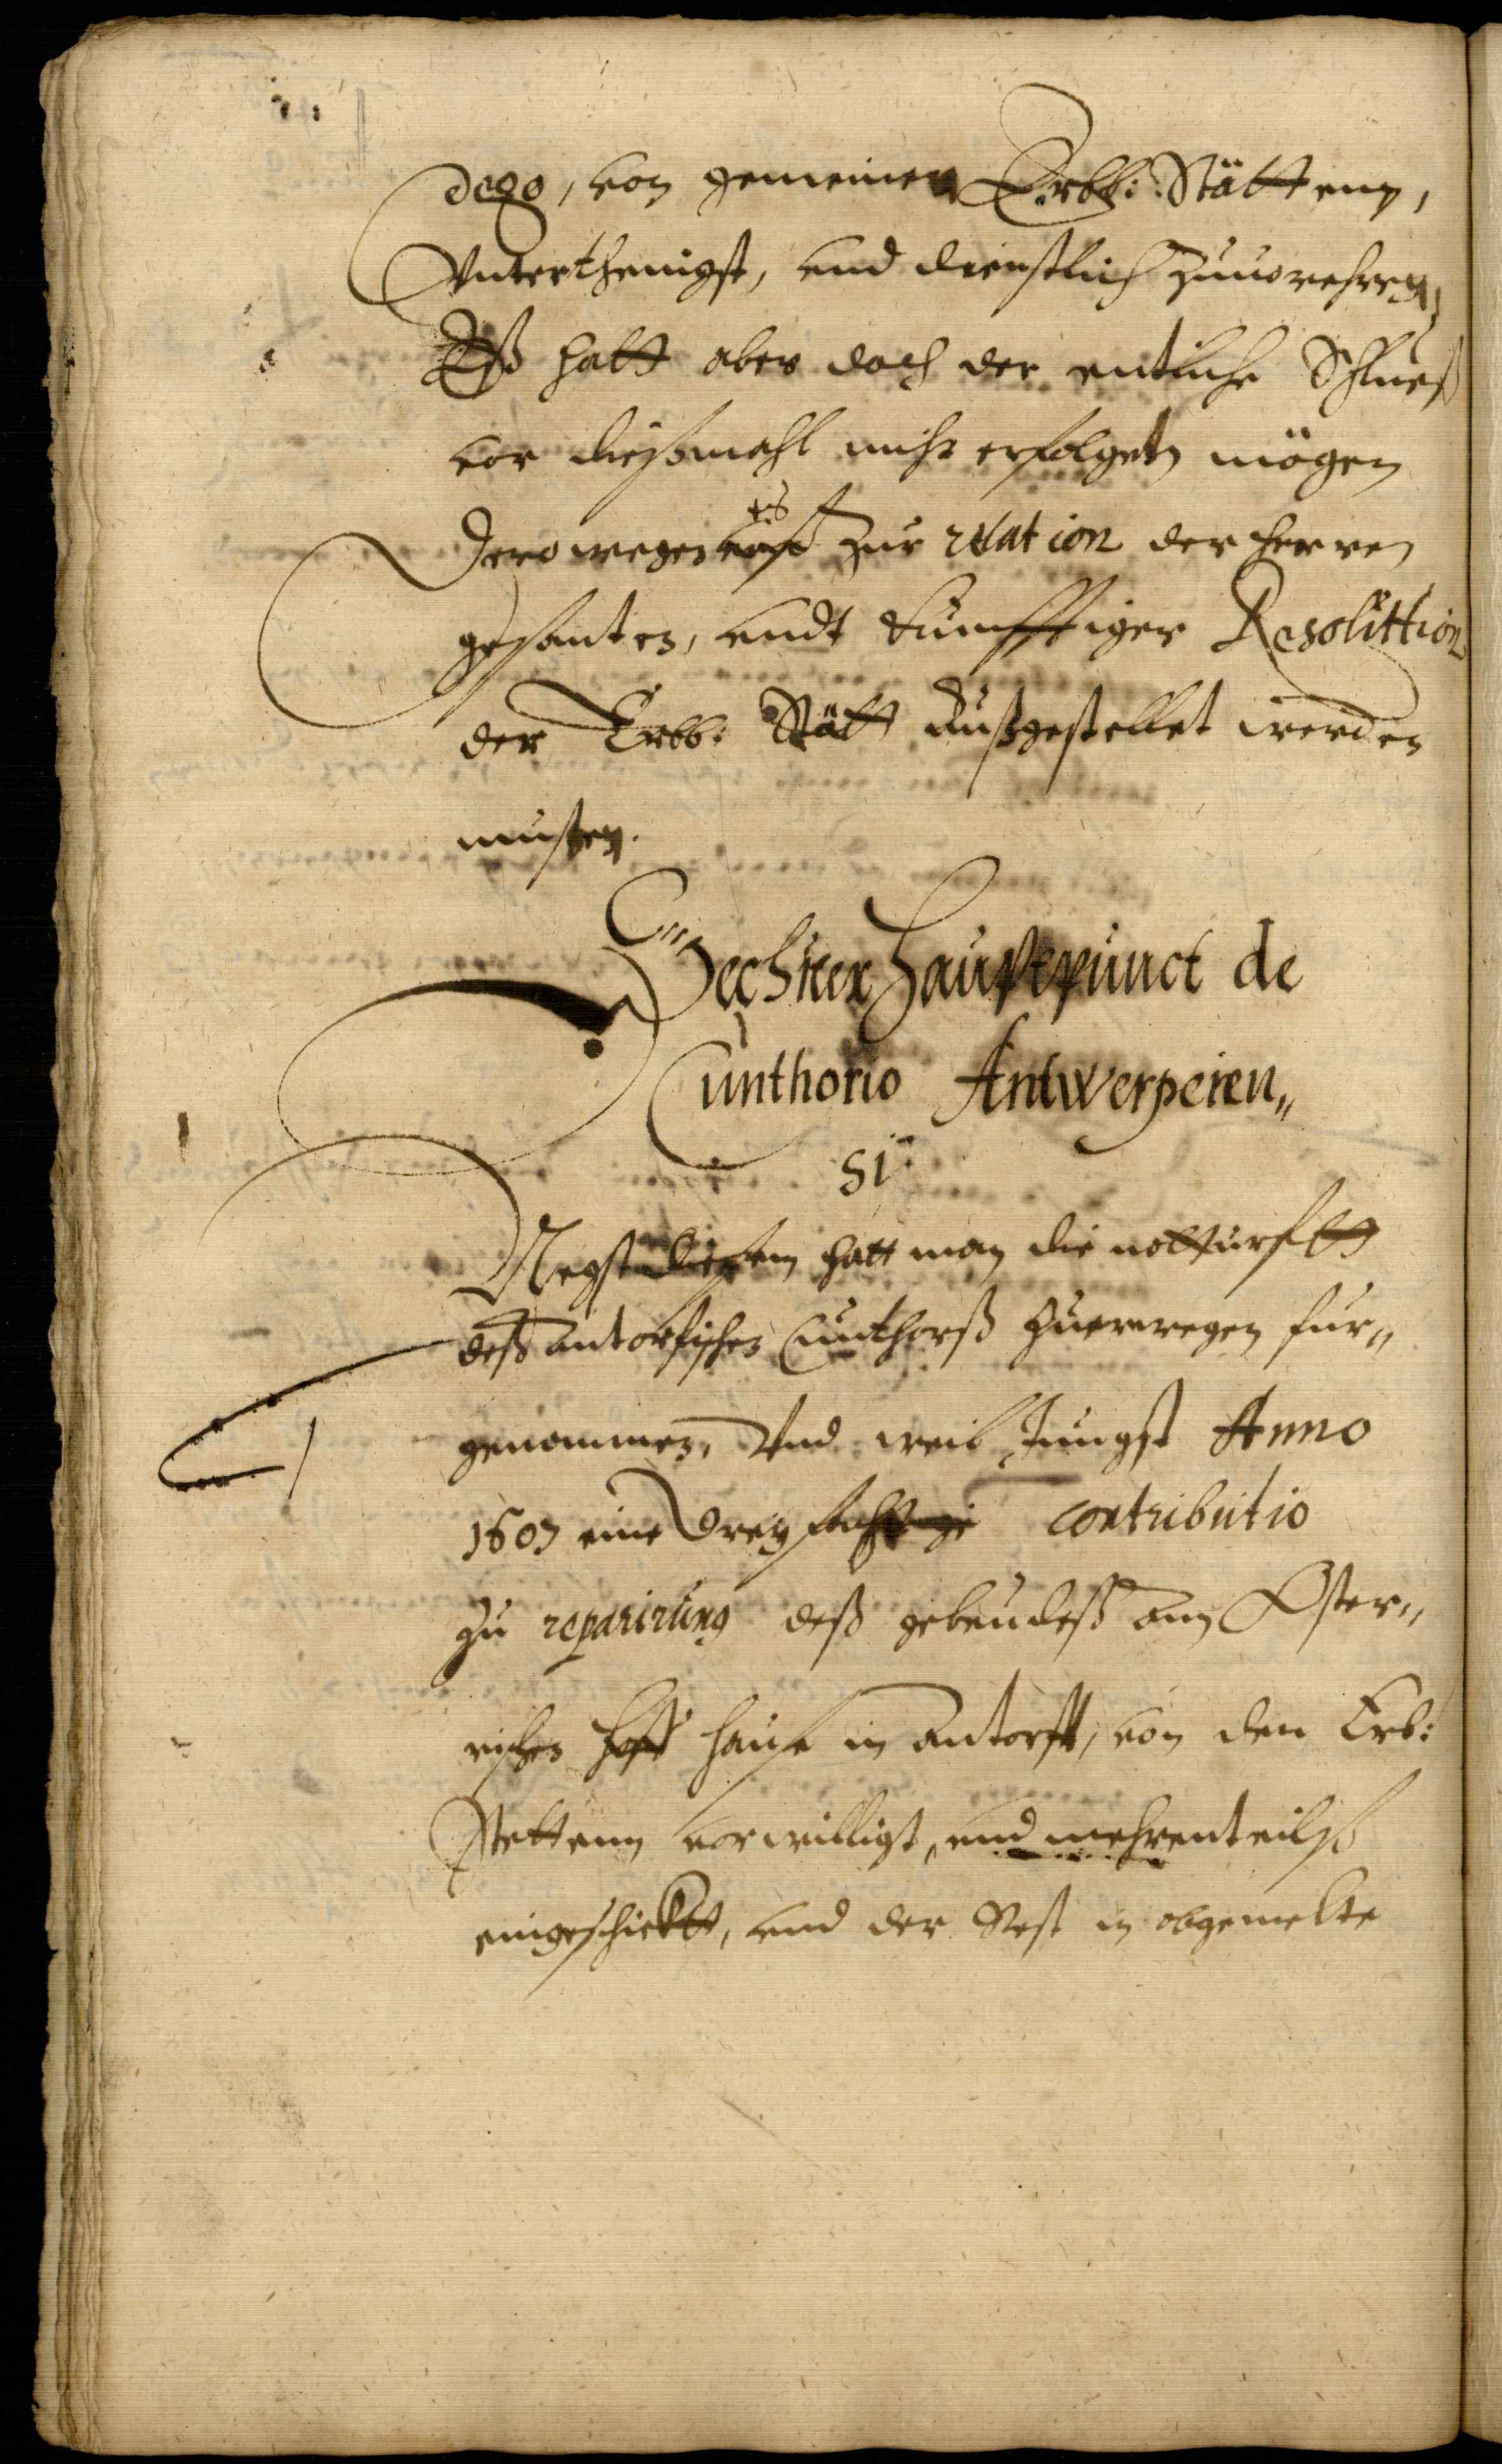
dego, von gemeinen Erbb: Stättenn,
vnterthenigst, vnd dienstlich zuuorehren,
Eß hatt aber doch der entliche Schlueß
vor dießmahl nicht erfolgen mögen
dero wegen es vorß zur relation der herren
gesanten, vndt Kunfftiger Resolution
der Erbb: Stätt Außgestellet werden
mußten.
Sechster Hauptpunct de
Cunthorio Antwerpeien¬
si:
Negst diesem hatt man die notturftt
deß Antorfischen Cunthorß zuerwegen fur¬
genommen, vnd weil Jungst Anno
1607 eine dreijfachtge contributio
zu reparirung deß gebraucheß Am Oster¬
rischen hoff hause in Antorff, von den Erb:
Stettenn vorwilligt, vnd mehrenteilß
eingeschicktt, vnd der Rest in obgemelte
